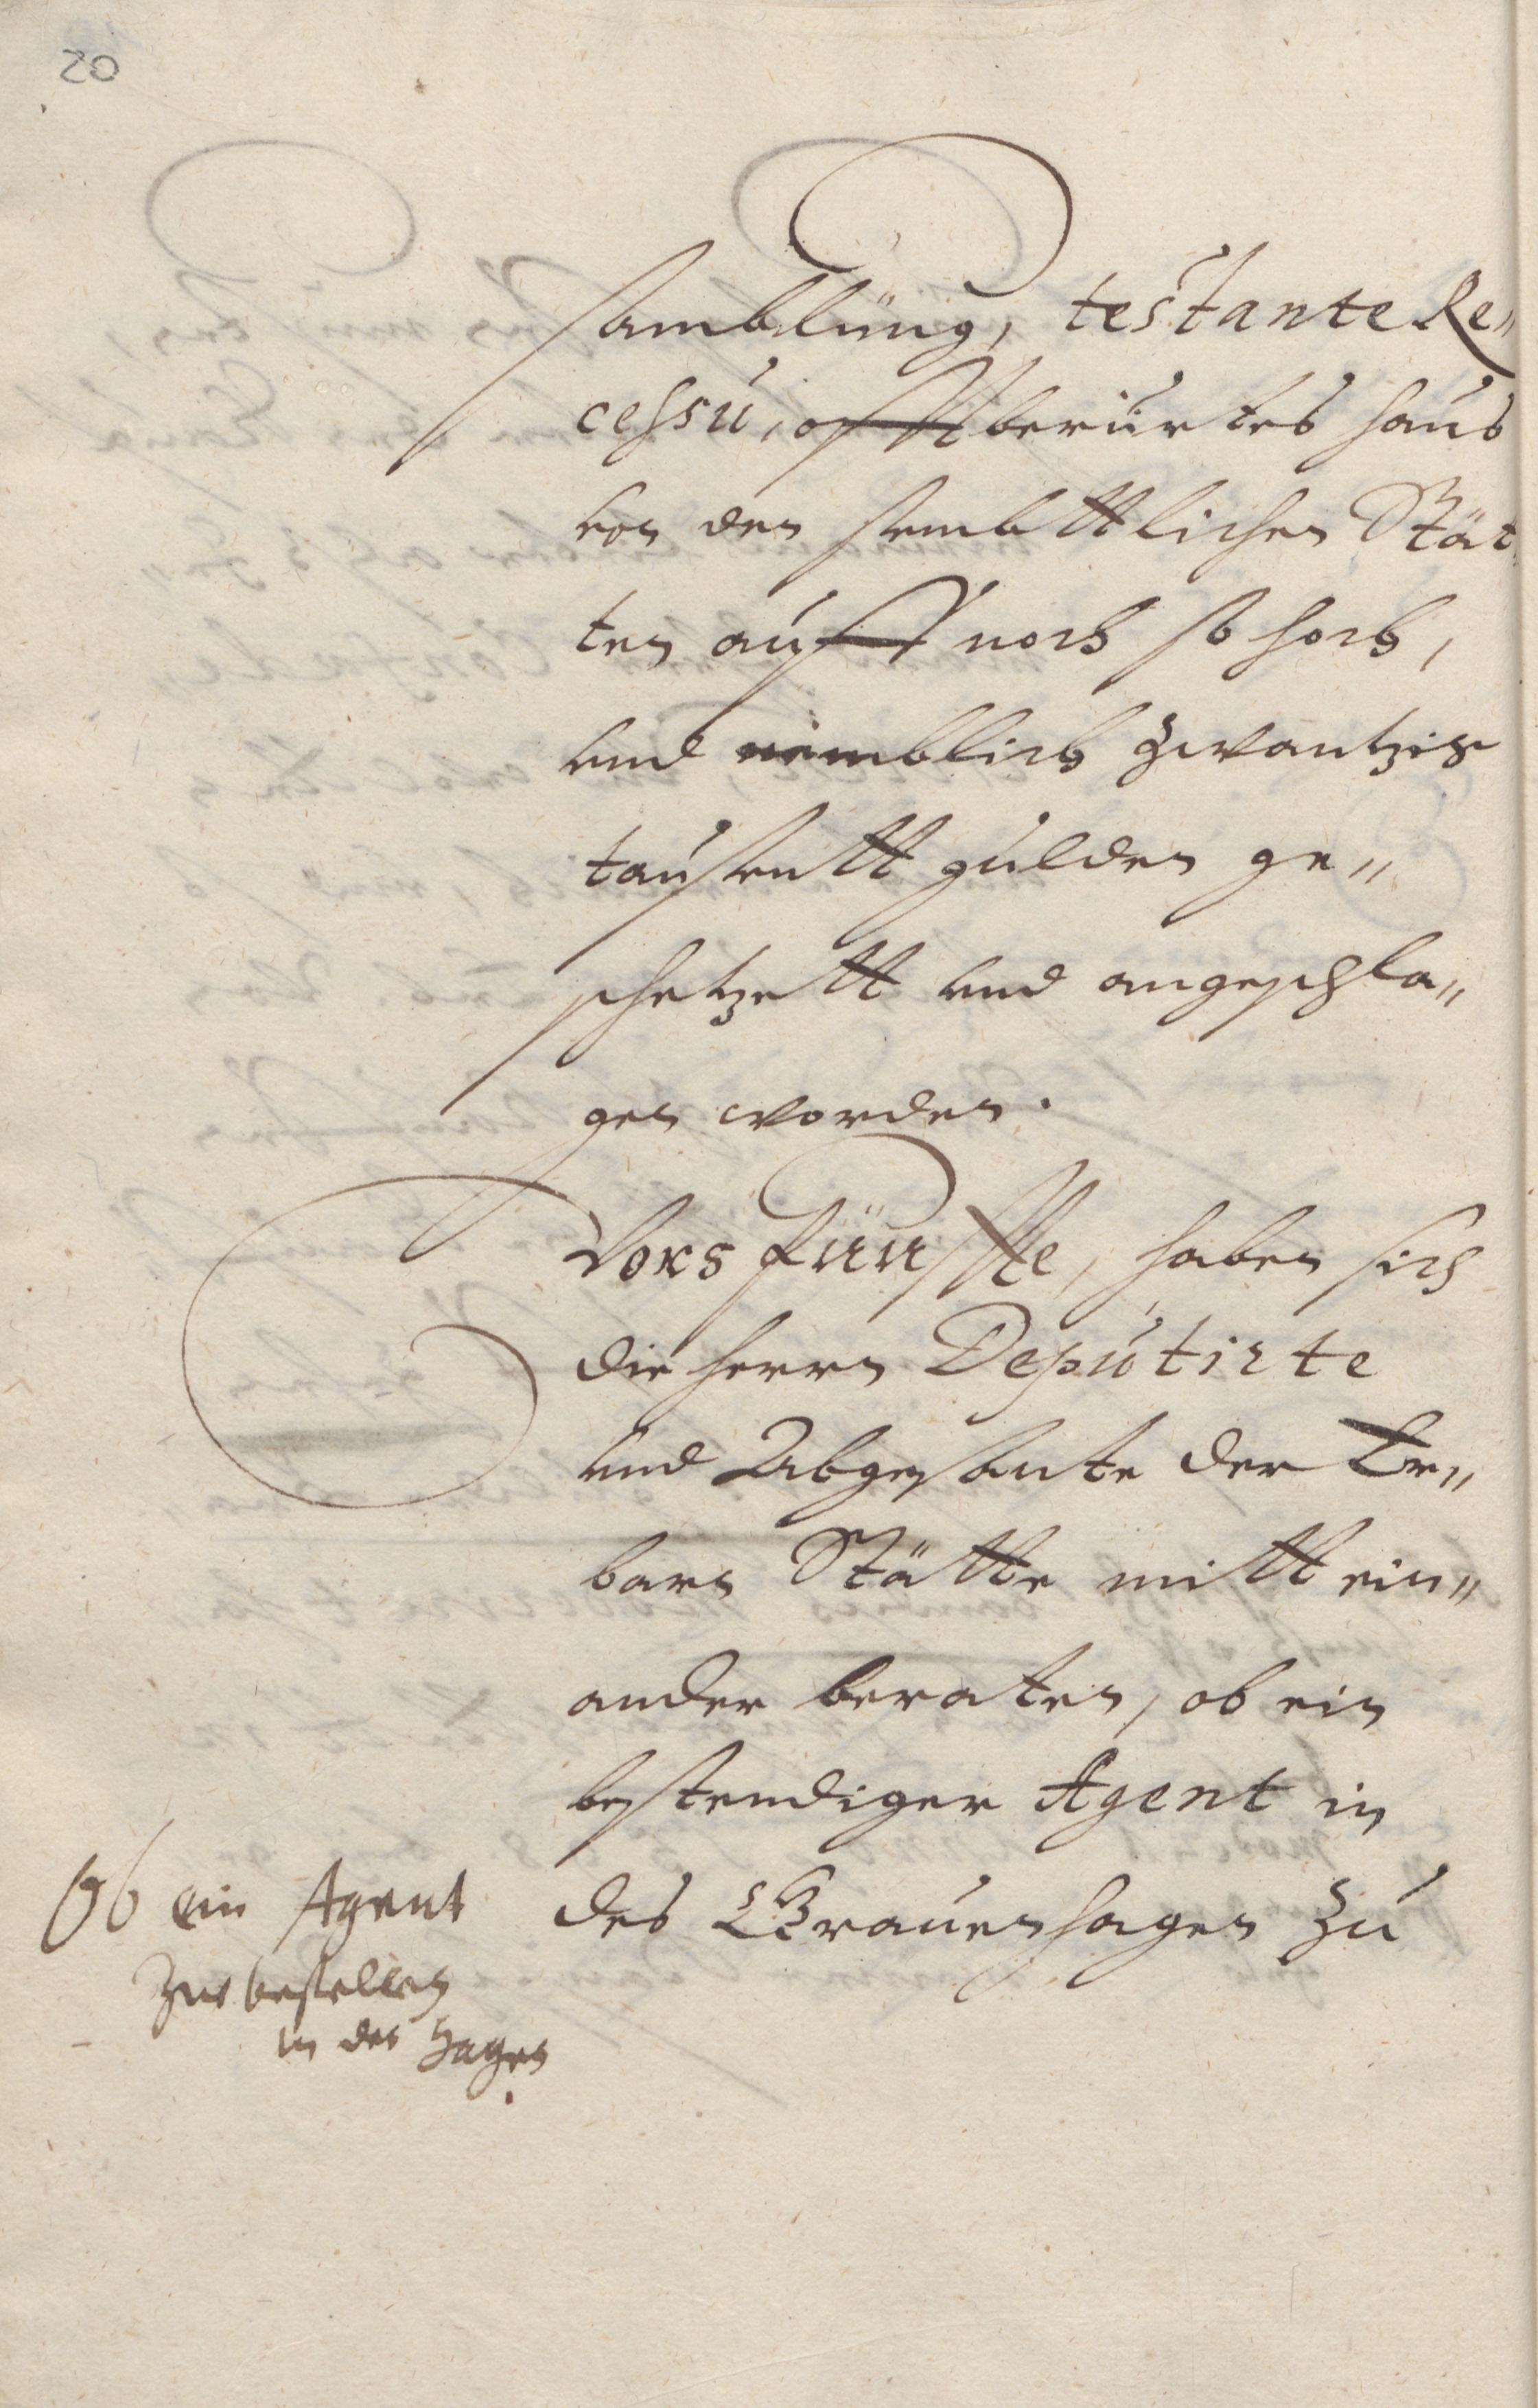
samblüng, testante Re¬
cessu, offtberürtes haus
von den sembttlichen Stät¬
ten auff noch so hoch,
vnd nemblich zwantzig
tausentt gulden ge¬
schetzett vnd angeschla¬
gen worden.
Vors Fünffte, haben sich
die herrn Deputirte
vnd Abgesante der Er¬
barn Stätte mitt ein¬
ander beraten, ob ein
bestendiger Agent in
des Grauenhagen zu
Ob ein Agent
zue bestellen
in des Hagen
